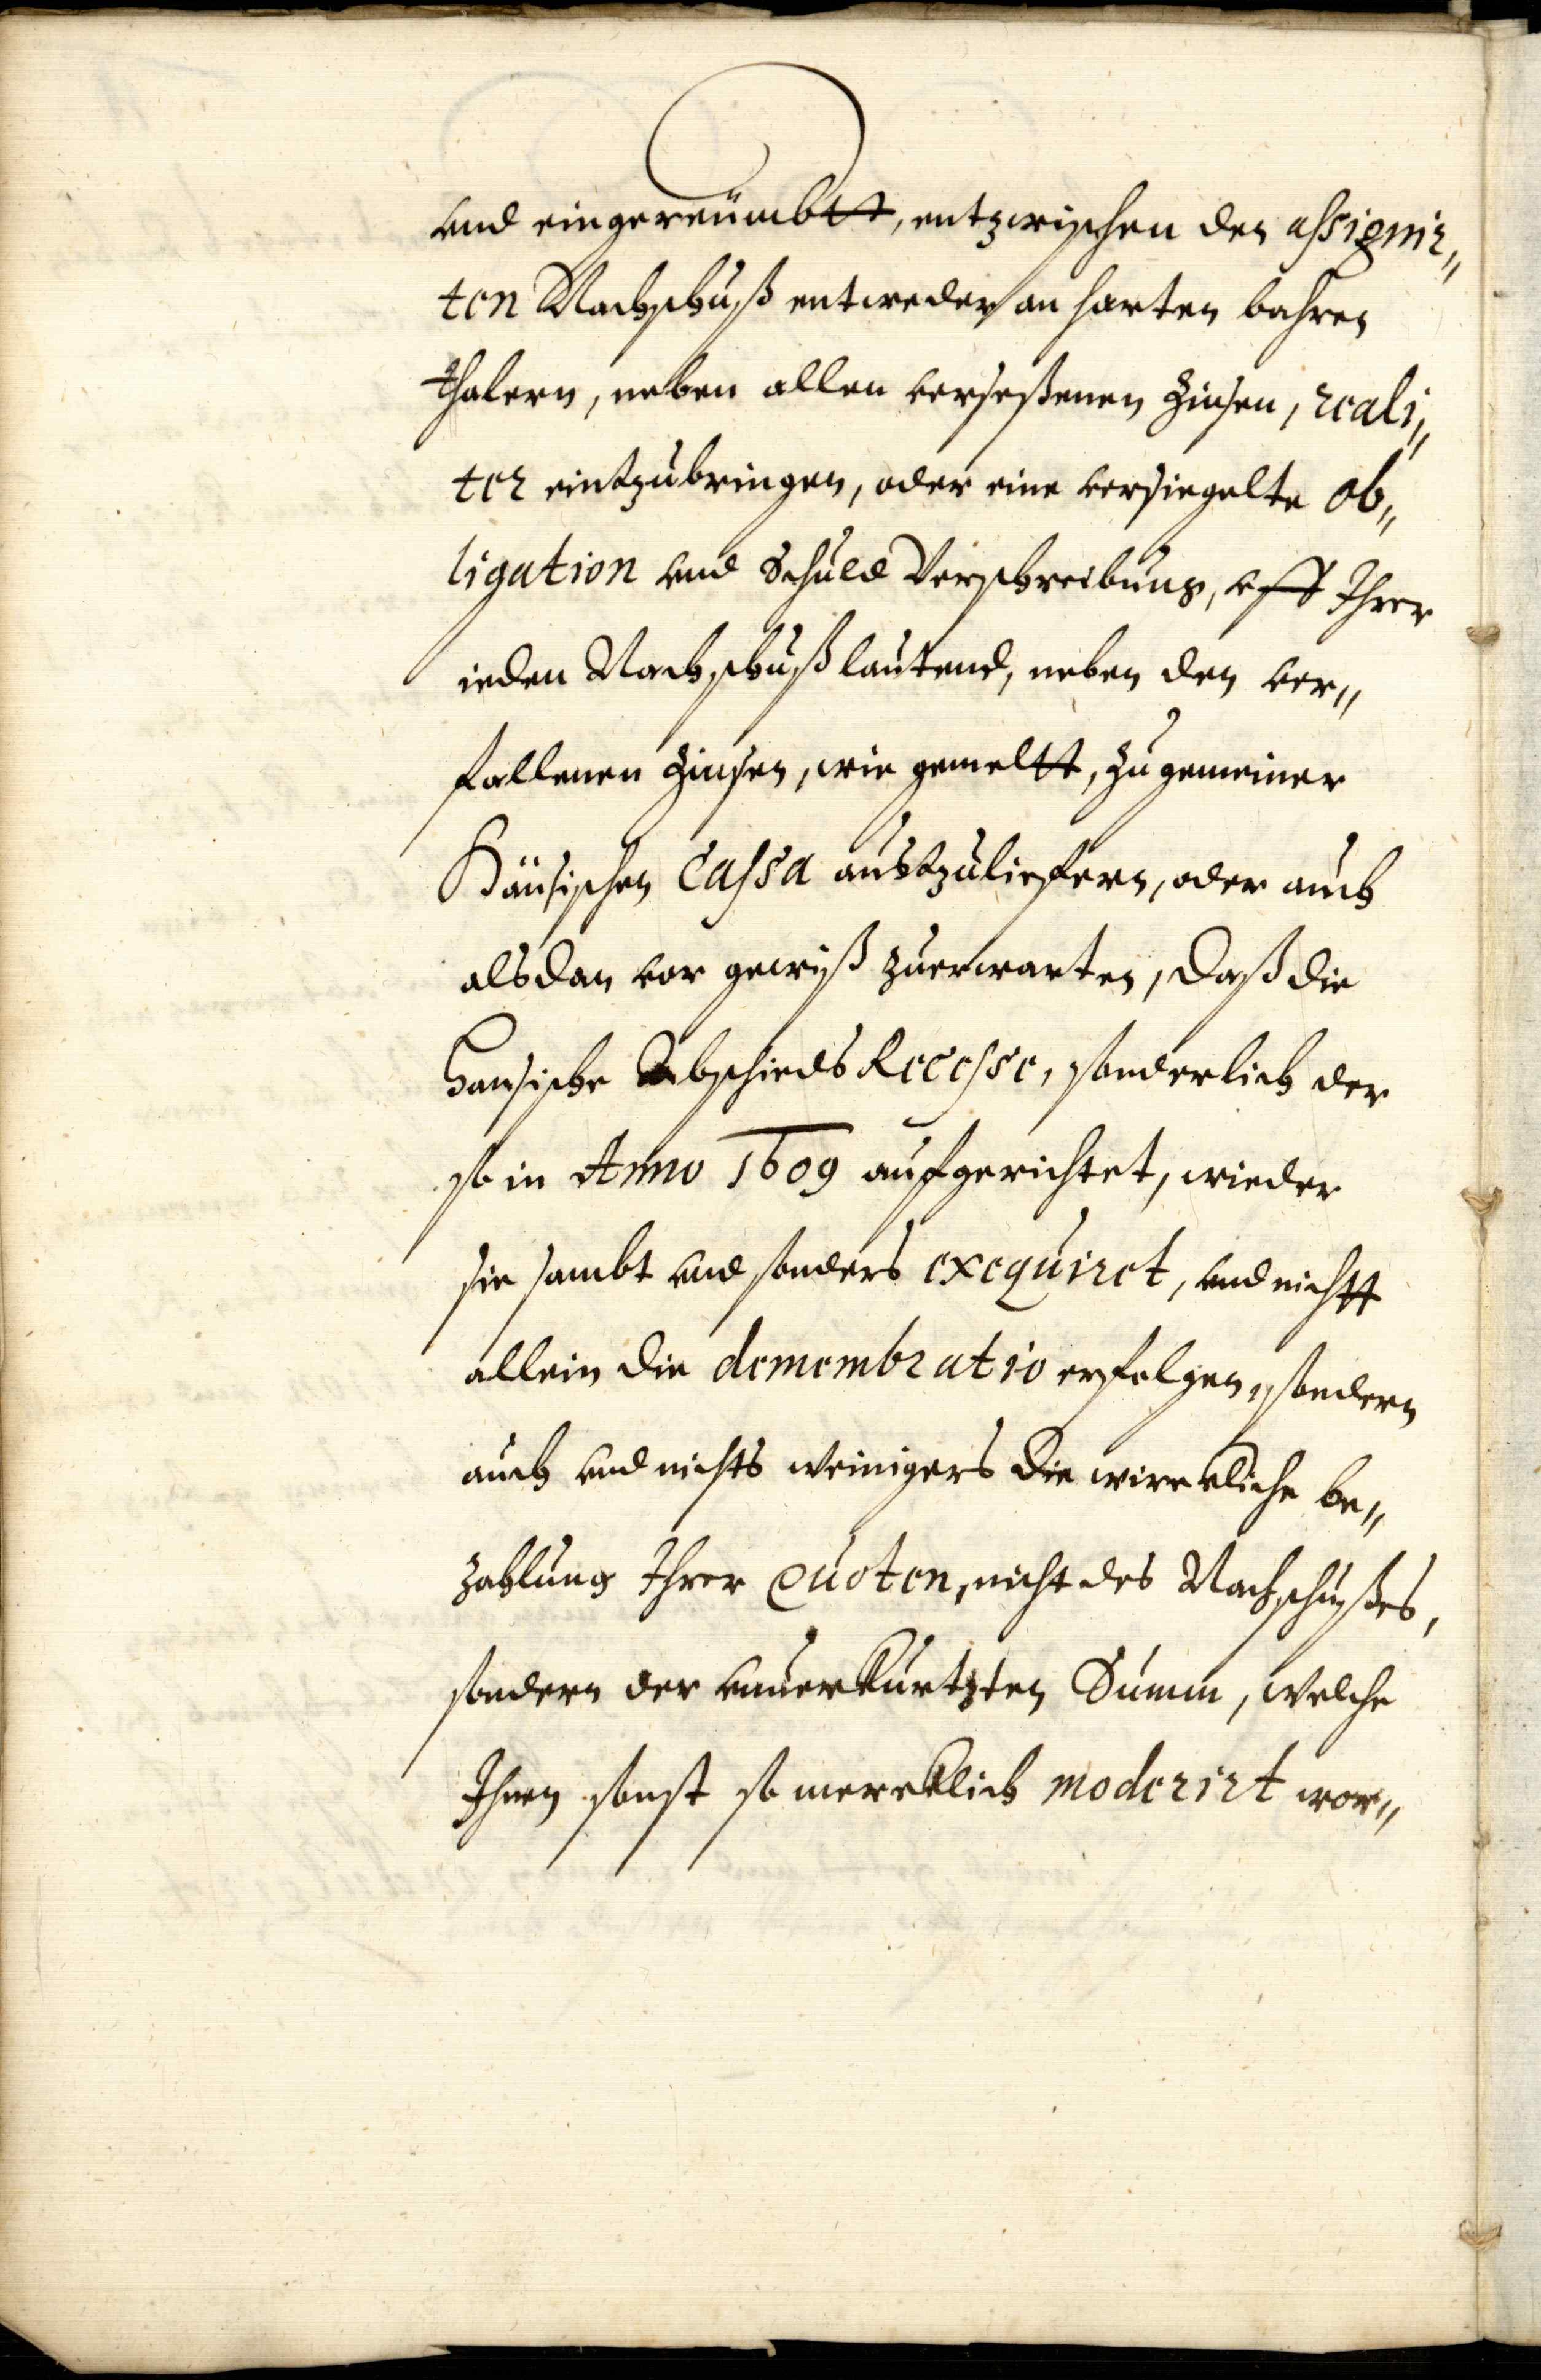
vnd eingereumbtt, entzwischen den assignir¬
ten Nachschuß entweder an harten bahren
thalern, neben allen verseßenen Zinsen, reali¬
ter eintzubringen, oder eine versiegelte ob¬
ligation vnd Schuld Verschreibung, vff Ihrer
in den Nachschuß lautend, neben den ver¬
fallenen Zinsen, wie gemeltt, zu gemeiner
Hänsischen Cassa austzuliefern, oder auch
alsdan vor gewiß zuerwarten, daß die
Hansische Abschieds Recesse, sonderlich der
so in Anno 1609 aufgerichtet, wieder
sie sambt vnd sonders exequiret, vnd nichtt
allein die demembratio erfolgen, sondern
auch vnd nichts weinigers die wirckliche be¬
zahlung Ihrer quoten, nicht des Nachschußes,
sondern der vnuerkurtzten Summ, welche
Ihnen sonst so mercklich moderirt wor¬
